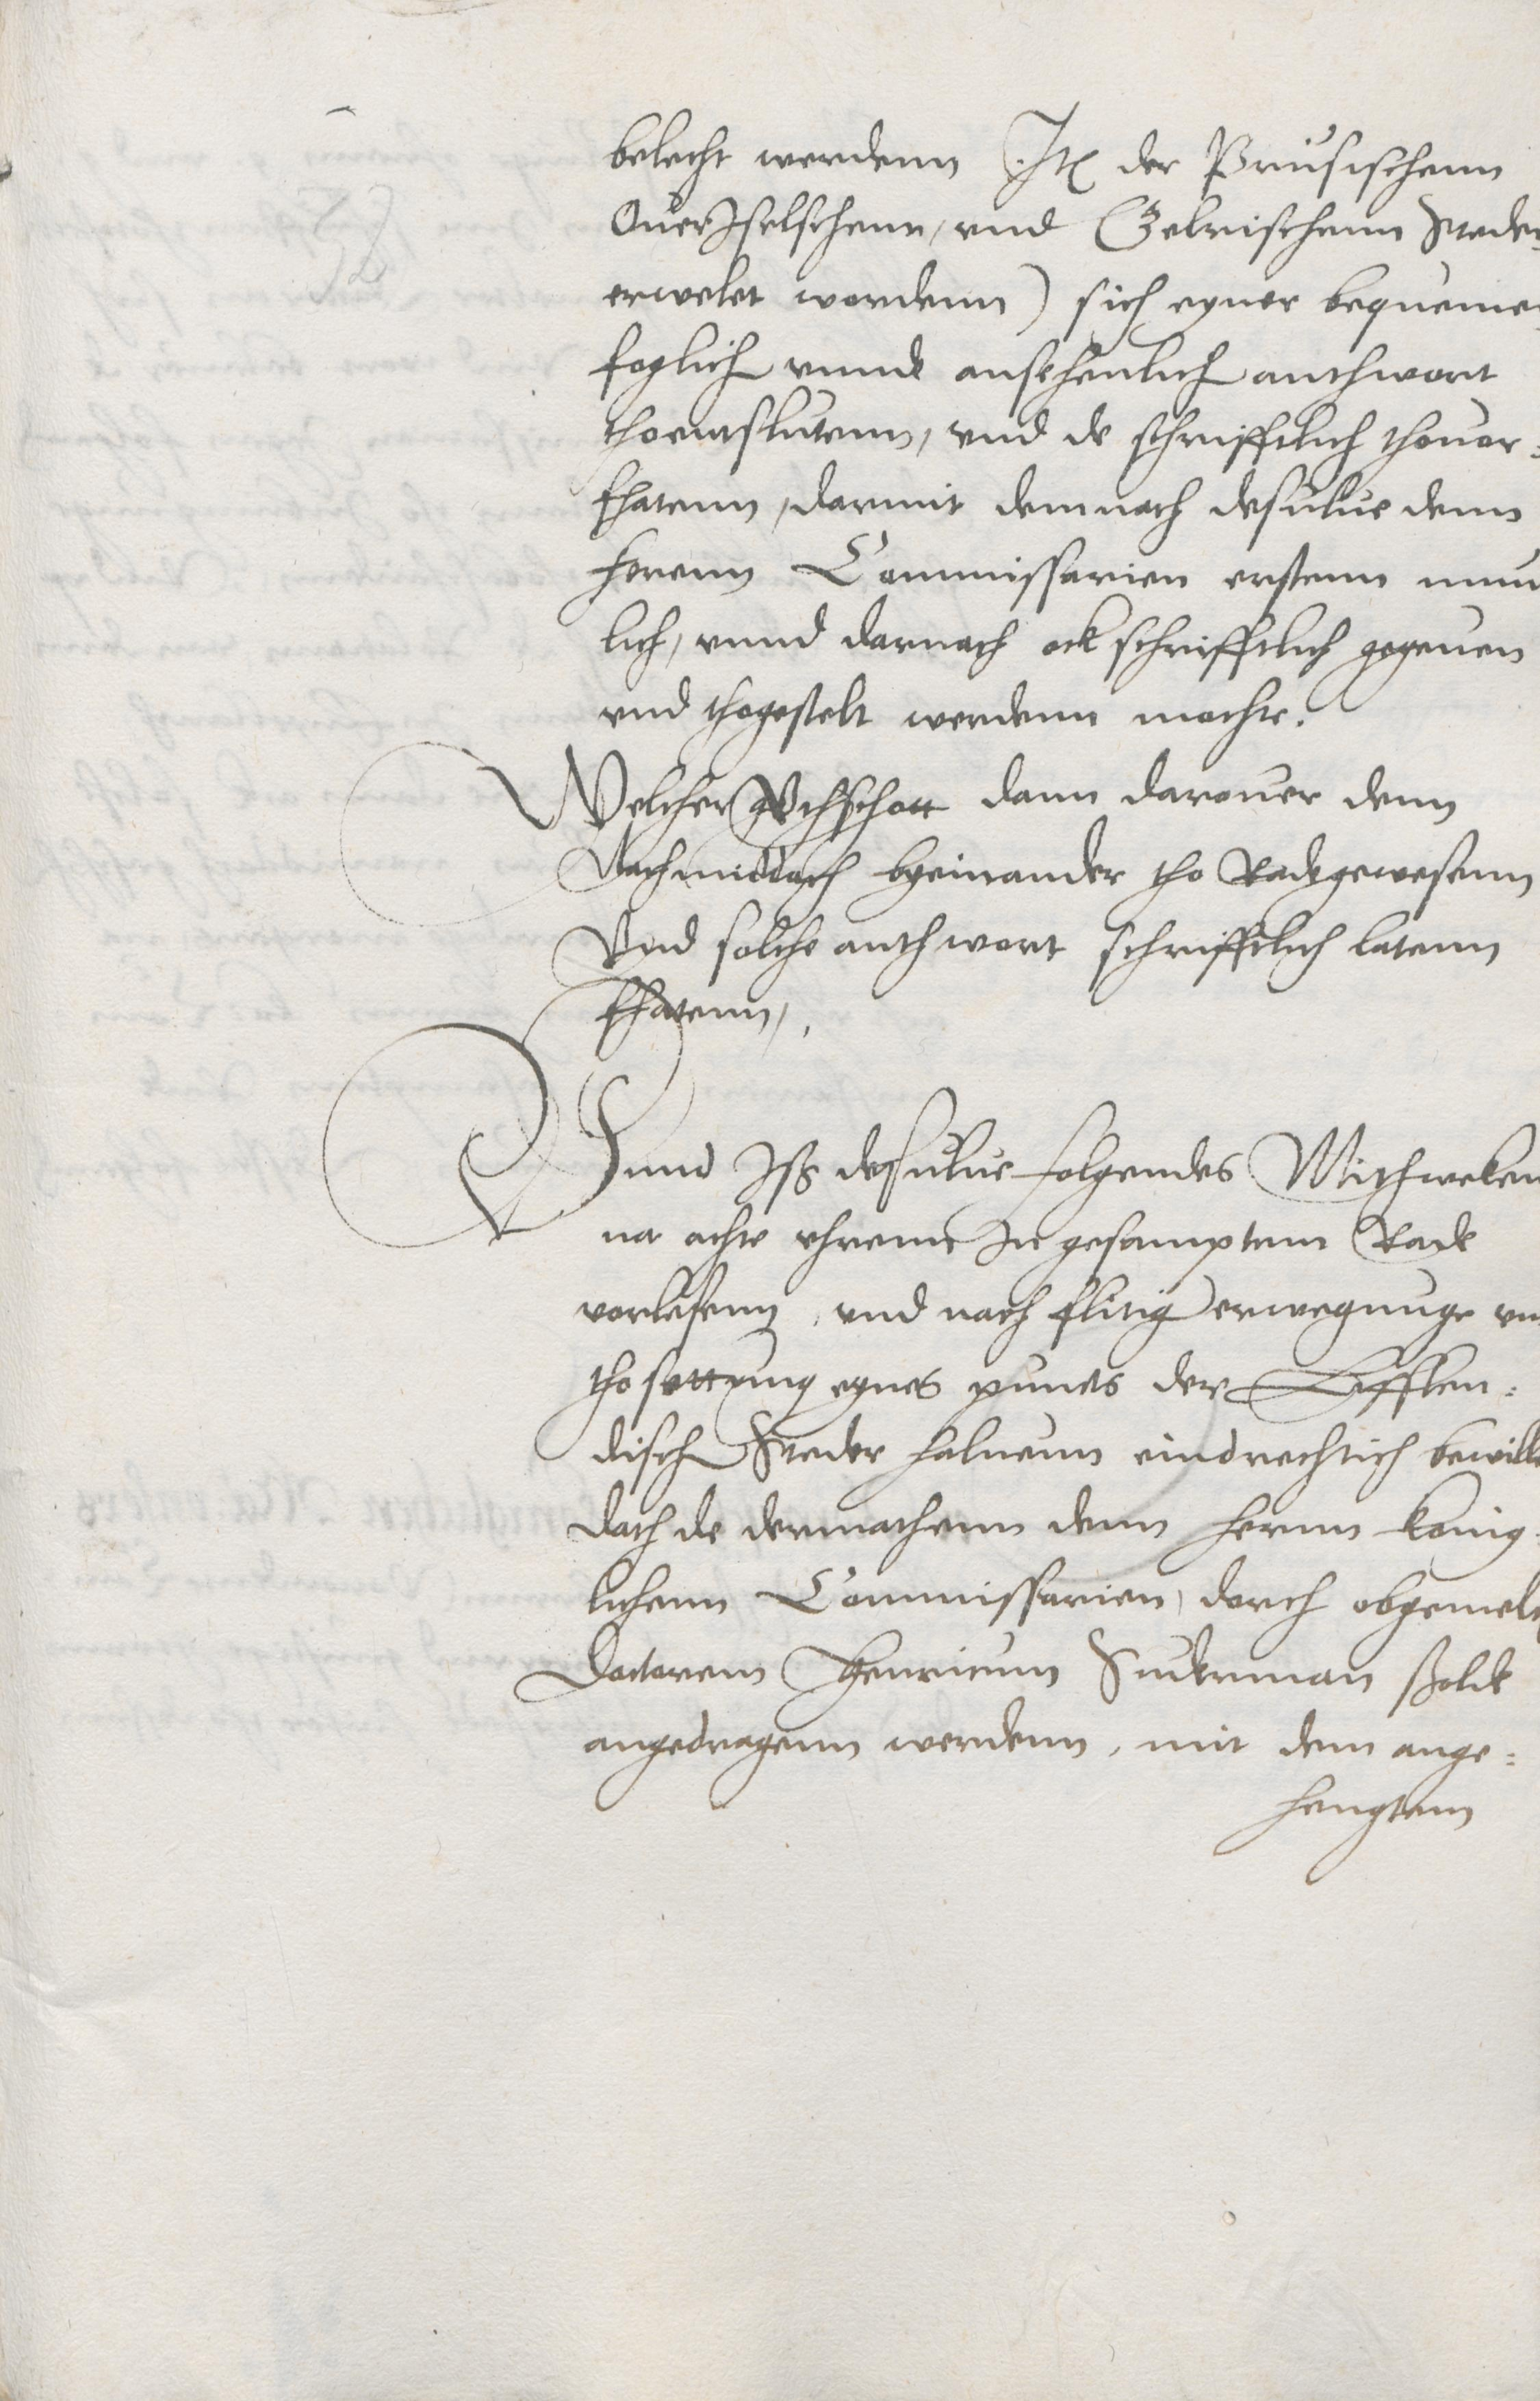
belecht werdenn Item der Prusischenn
Ouerjselschenn, vnd Gelrischenn Steden
erwelet wordenn) sich eyner bequeme
foglichen vnnde ansehenlichen anthwort
thoentslutenn, vnd de schrifftlich thouor¬
fhatenn, darmit dem nach desulue denn
herenn Commissarien erstenn munt¬
lich, vnnd darnach ock schrifftlich gegeuen
vnd thogestelt werdenn mochte.
Welcher Vthschott dann darouer denn
Nachmiddach byeinander tho Rade gewesenn
Vnd solche anthwort schrifftlich latenn
fhatenn,
Vnnd Jß desulue folgendes Mithweken
na achte vhrenn jn gesamptem Rade
vorlesen vnd nach flitiger erwegunge vn
tho settung eynes puncts der Lifflen¬
dischen Steder haluenn eindrechtich bewilli
Dath de dermathenn denn hernn Konig¬
lichenn Commissarien, dorch obgemelt
Doctorem Henricum Suderman ßolde
angedragenn werdenn, mit dem ange¬
hengtem
